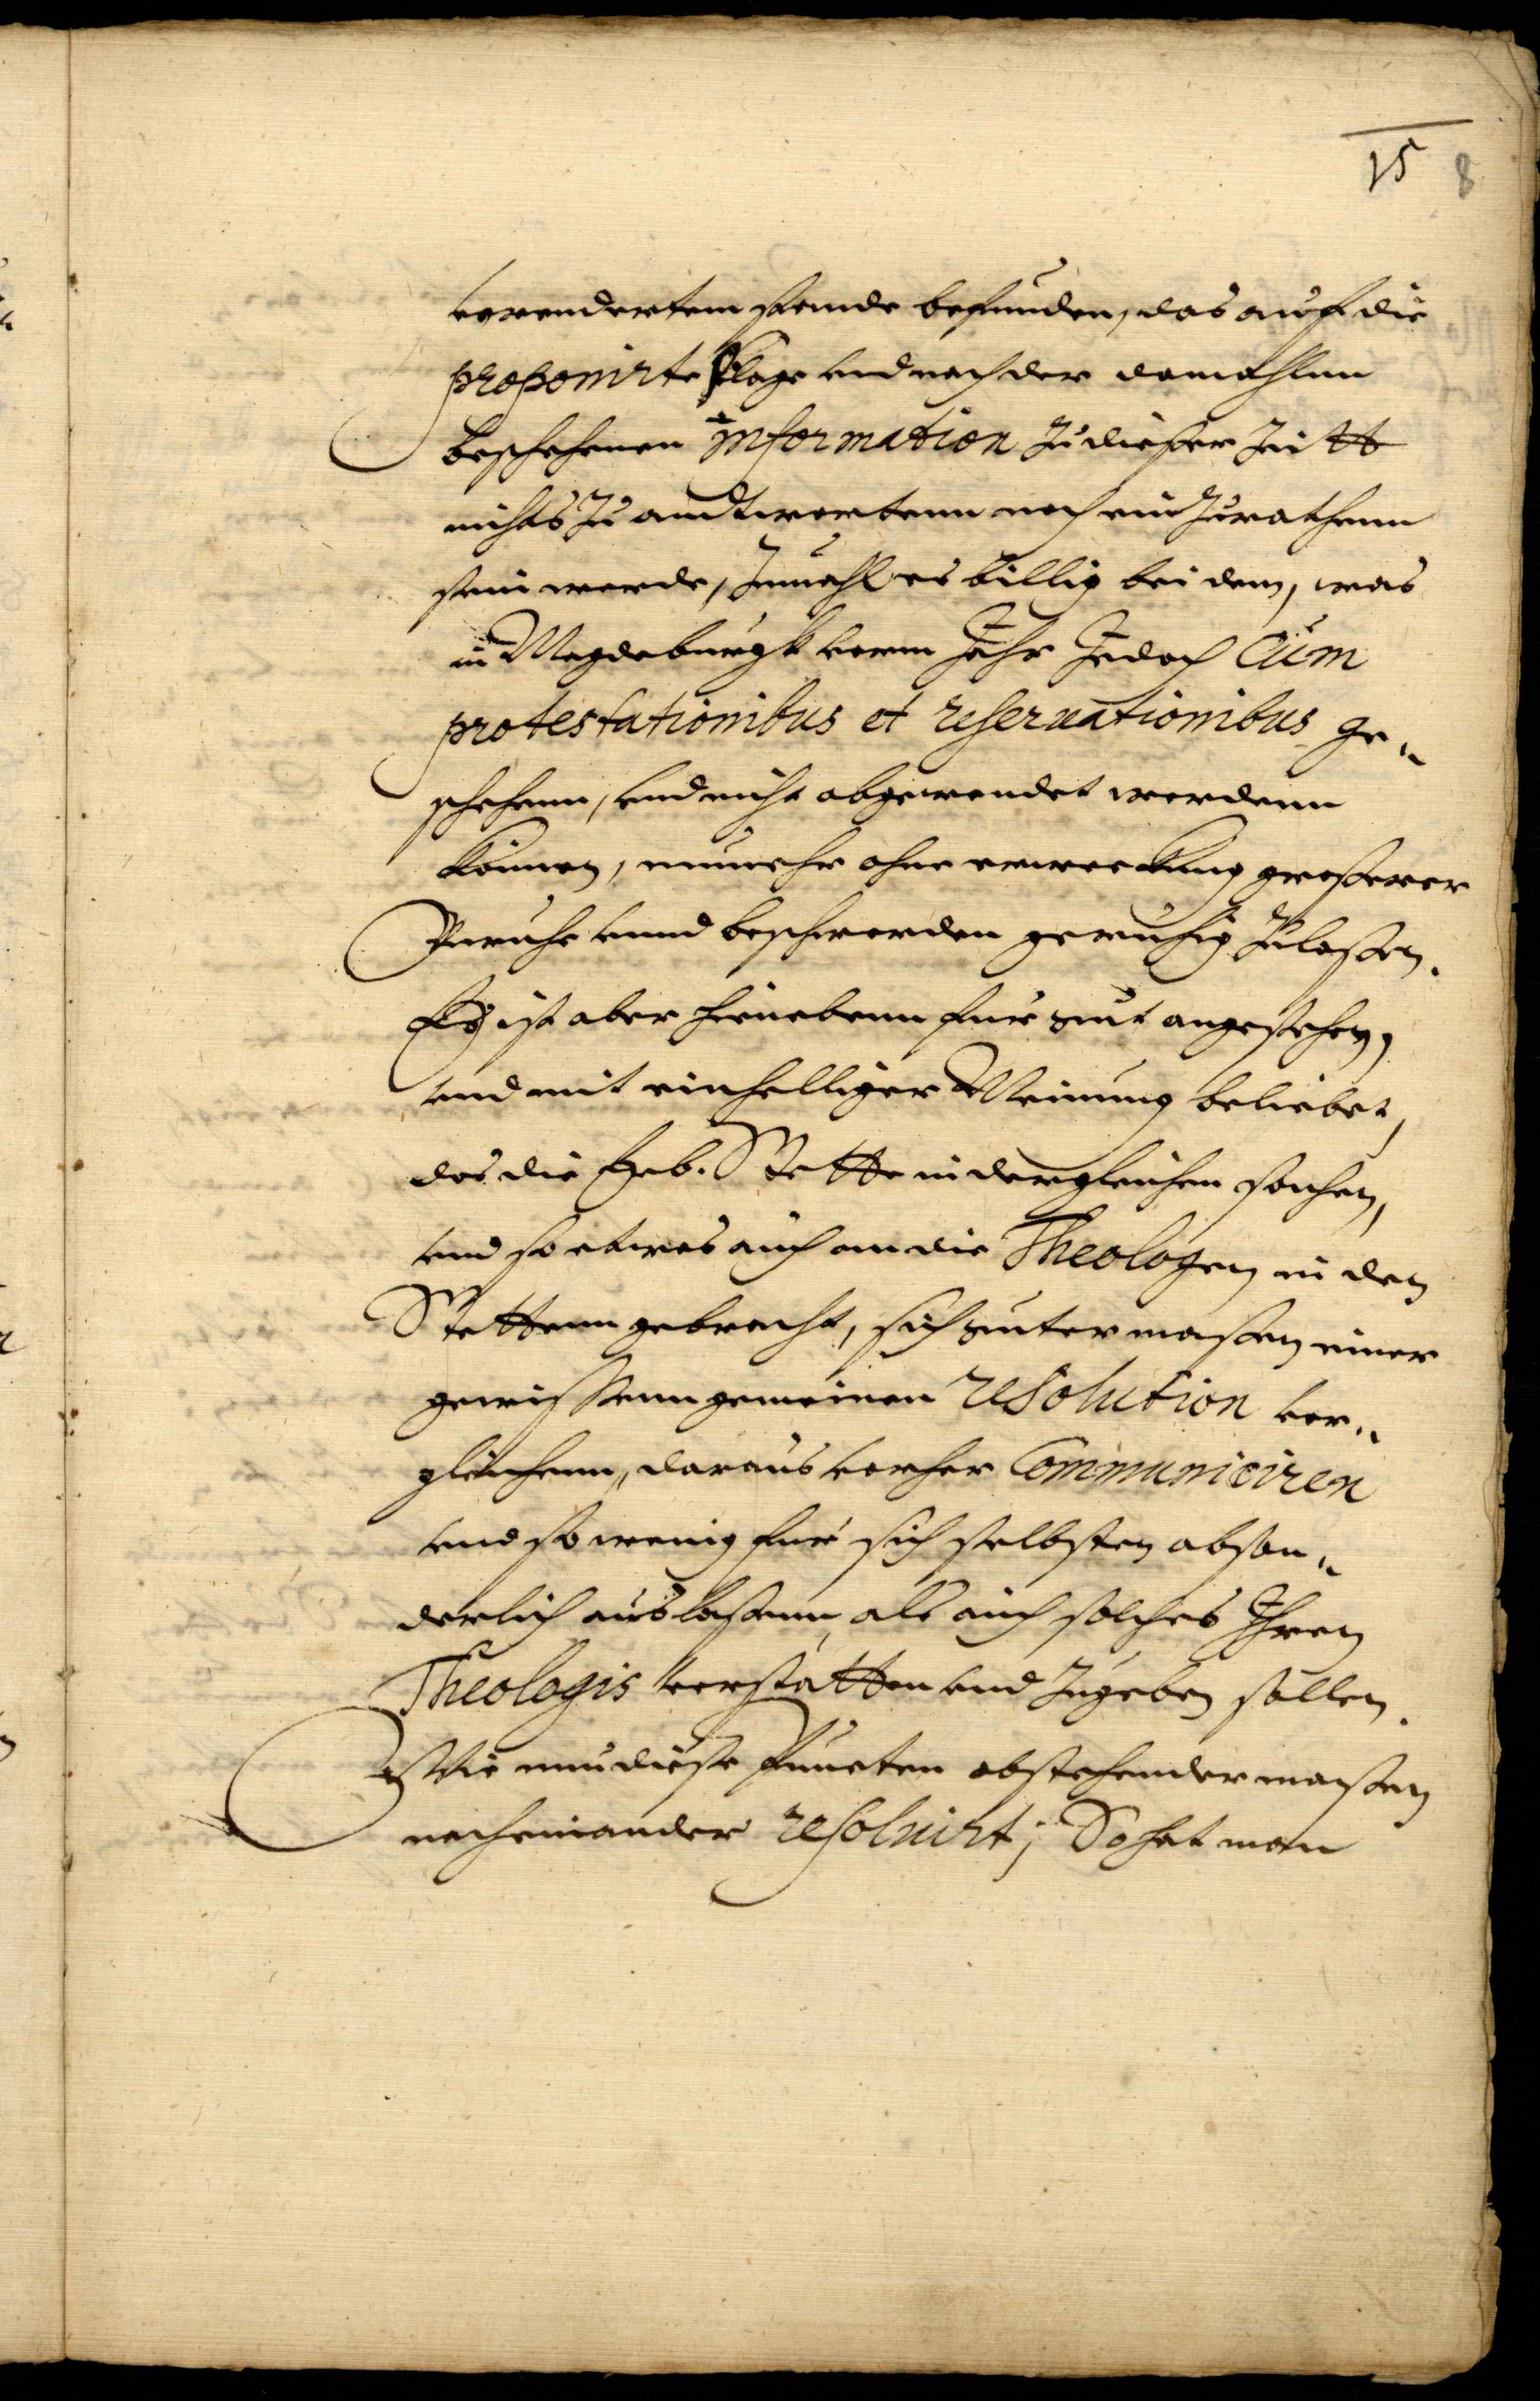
15
vorendertem stemde befunden, das auf die
proponirte klage vnd nach der damahlnn
beschehenen information zu dießer zeitt
nichts zu andtwortenn nach einzurathenn
sein werde, zumahl es billig bei dem, was
in Magdeburgk vorm Iahr Iedoch cum
protestationibus et reservationibus ge¬
schehenn, vnd nicht abgewendet werdenn
können, numehr ohne erweckung großerer
Vnruhe vnnd beschwerden geruhig zulaßen.
Es ist aber heinebenn fur gut angesehen,
vnd mit einhelliger Meinung beliebet,
das die Erb. Stette in dergleichen sachen,
vnd so etwas auch an die Theologen in den
Stetten gebracht, sich guter massen einer
gewissenn gemeinen resolution ver¬
gleichenn, daraus vorher Communiciren
vnd so wenig fur sich selbsten abson¬
derlich auslaßenn als auch solches ihren
Theologis verstatten vnd zugeben sollen.
Wie nun diese Puncten abstehender maßen
nacheinander resolvirt; So hat man
